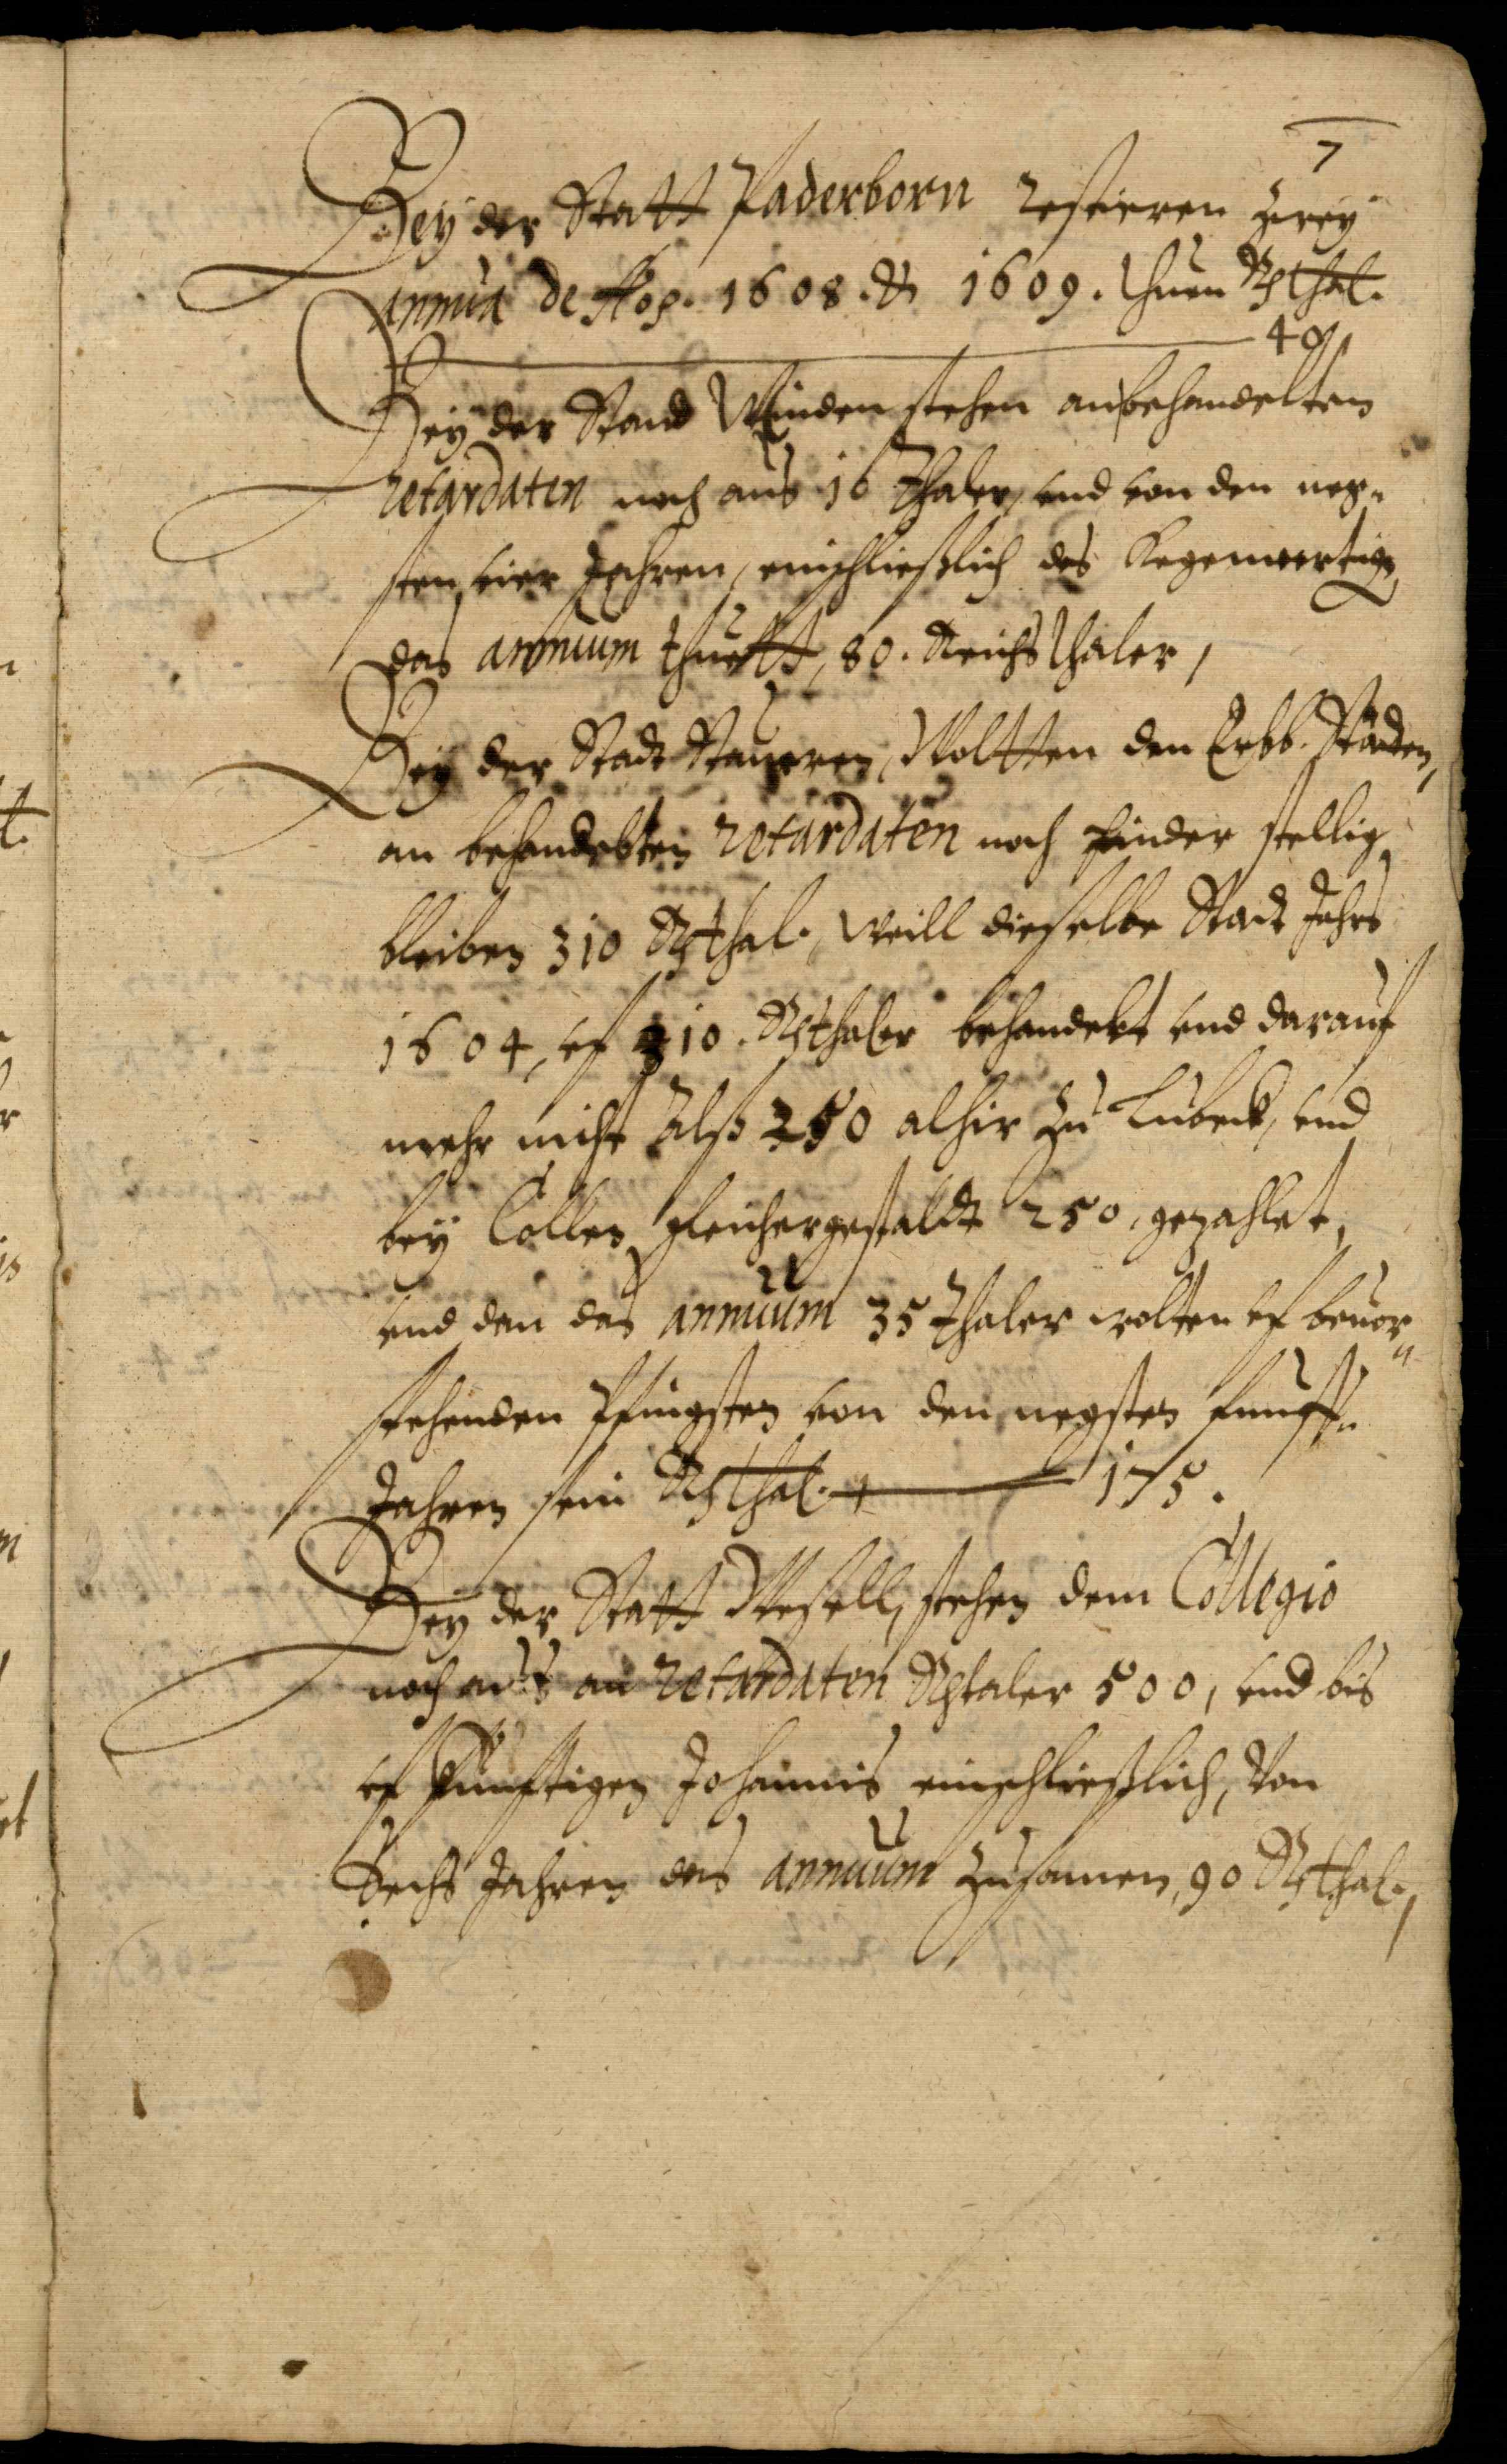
7
Beij der Statt Paderborn restieren zweij
annua de Ao p. 1608 & 1609. thuen Reichsthaler
40
Beij der Stadt Minden stehen an behandelten
retardaten noch aus 16 Thaler,vnd von den neg¬
sten vier Jahren, einschließlich des kegenwertigen
das annuum thuett, 80. Reichsthaler,
Beij der Stadt Staueren, Woltten den Erbb. Städten,
an behandelten retardaten noch hinder stellig
bleiben 510 Reichsthaler, weill dieselbe Stadt Jahres
1604, vf 310. Reichsthaler behandelt vnd darauf
mehr nicht alß 250 alhir zu Lubeck, vnd
beij Collen gleichergestalt 250, gezahlet,
vnd dan das annuum 35 Thaler wolten vf beuor¬
stehenden Pfingsten von den negsten funff¬
Jahren sein Reichsthaler. _ 175.
Beij der Statt Wesell, stehen dem Collegio
noch aus an retardaten Reichstaler 500, vnd bis
vf Pfingsten Johannis einschließlich, von
Sechs Jahren das annuum zusamen, 90. Reichsthaler,
